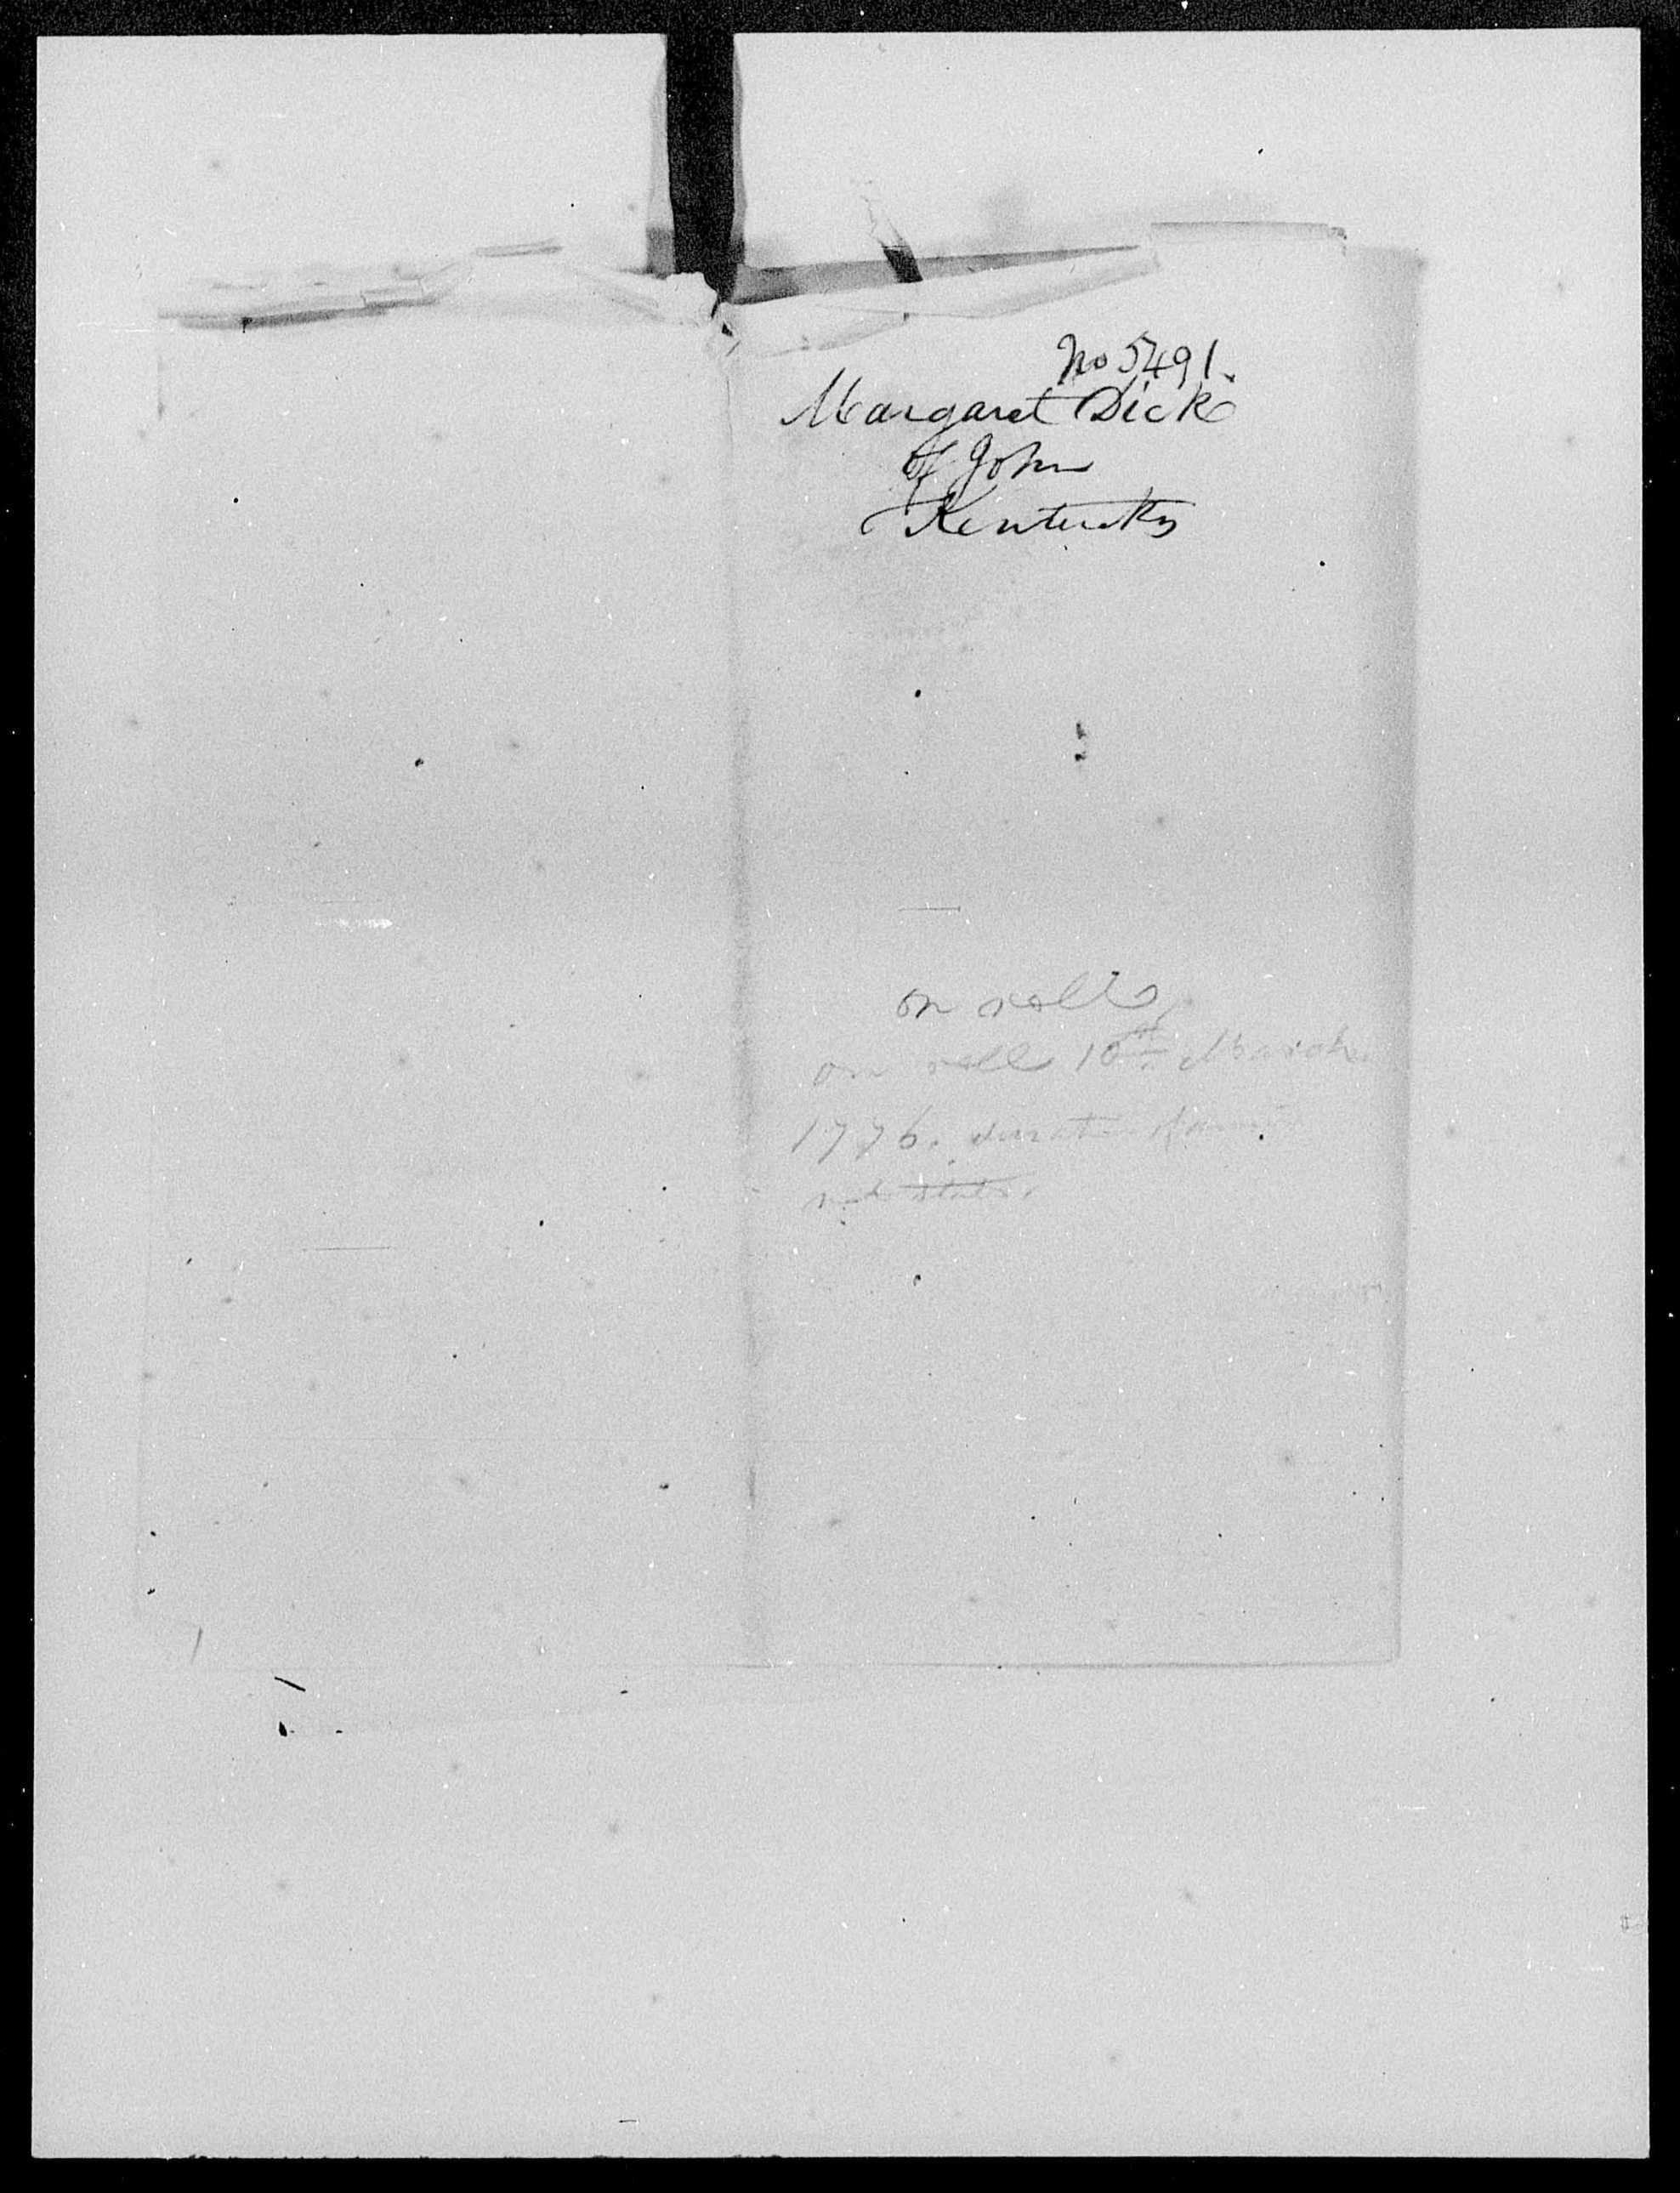No. 5491.
Margaret Dick of John
Kentucky
on roll on [illegible] 10th, March 1776
[illegible]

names: John Dick, Margaret Dick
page: 21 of 31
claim: widow's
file: W. 8668, John Dick, S C